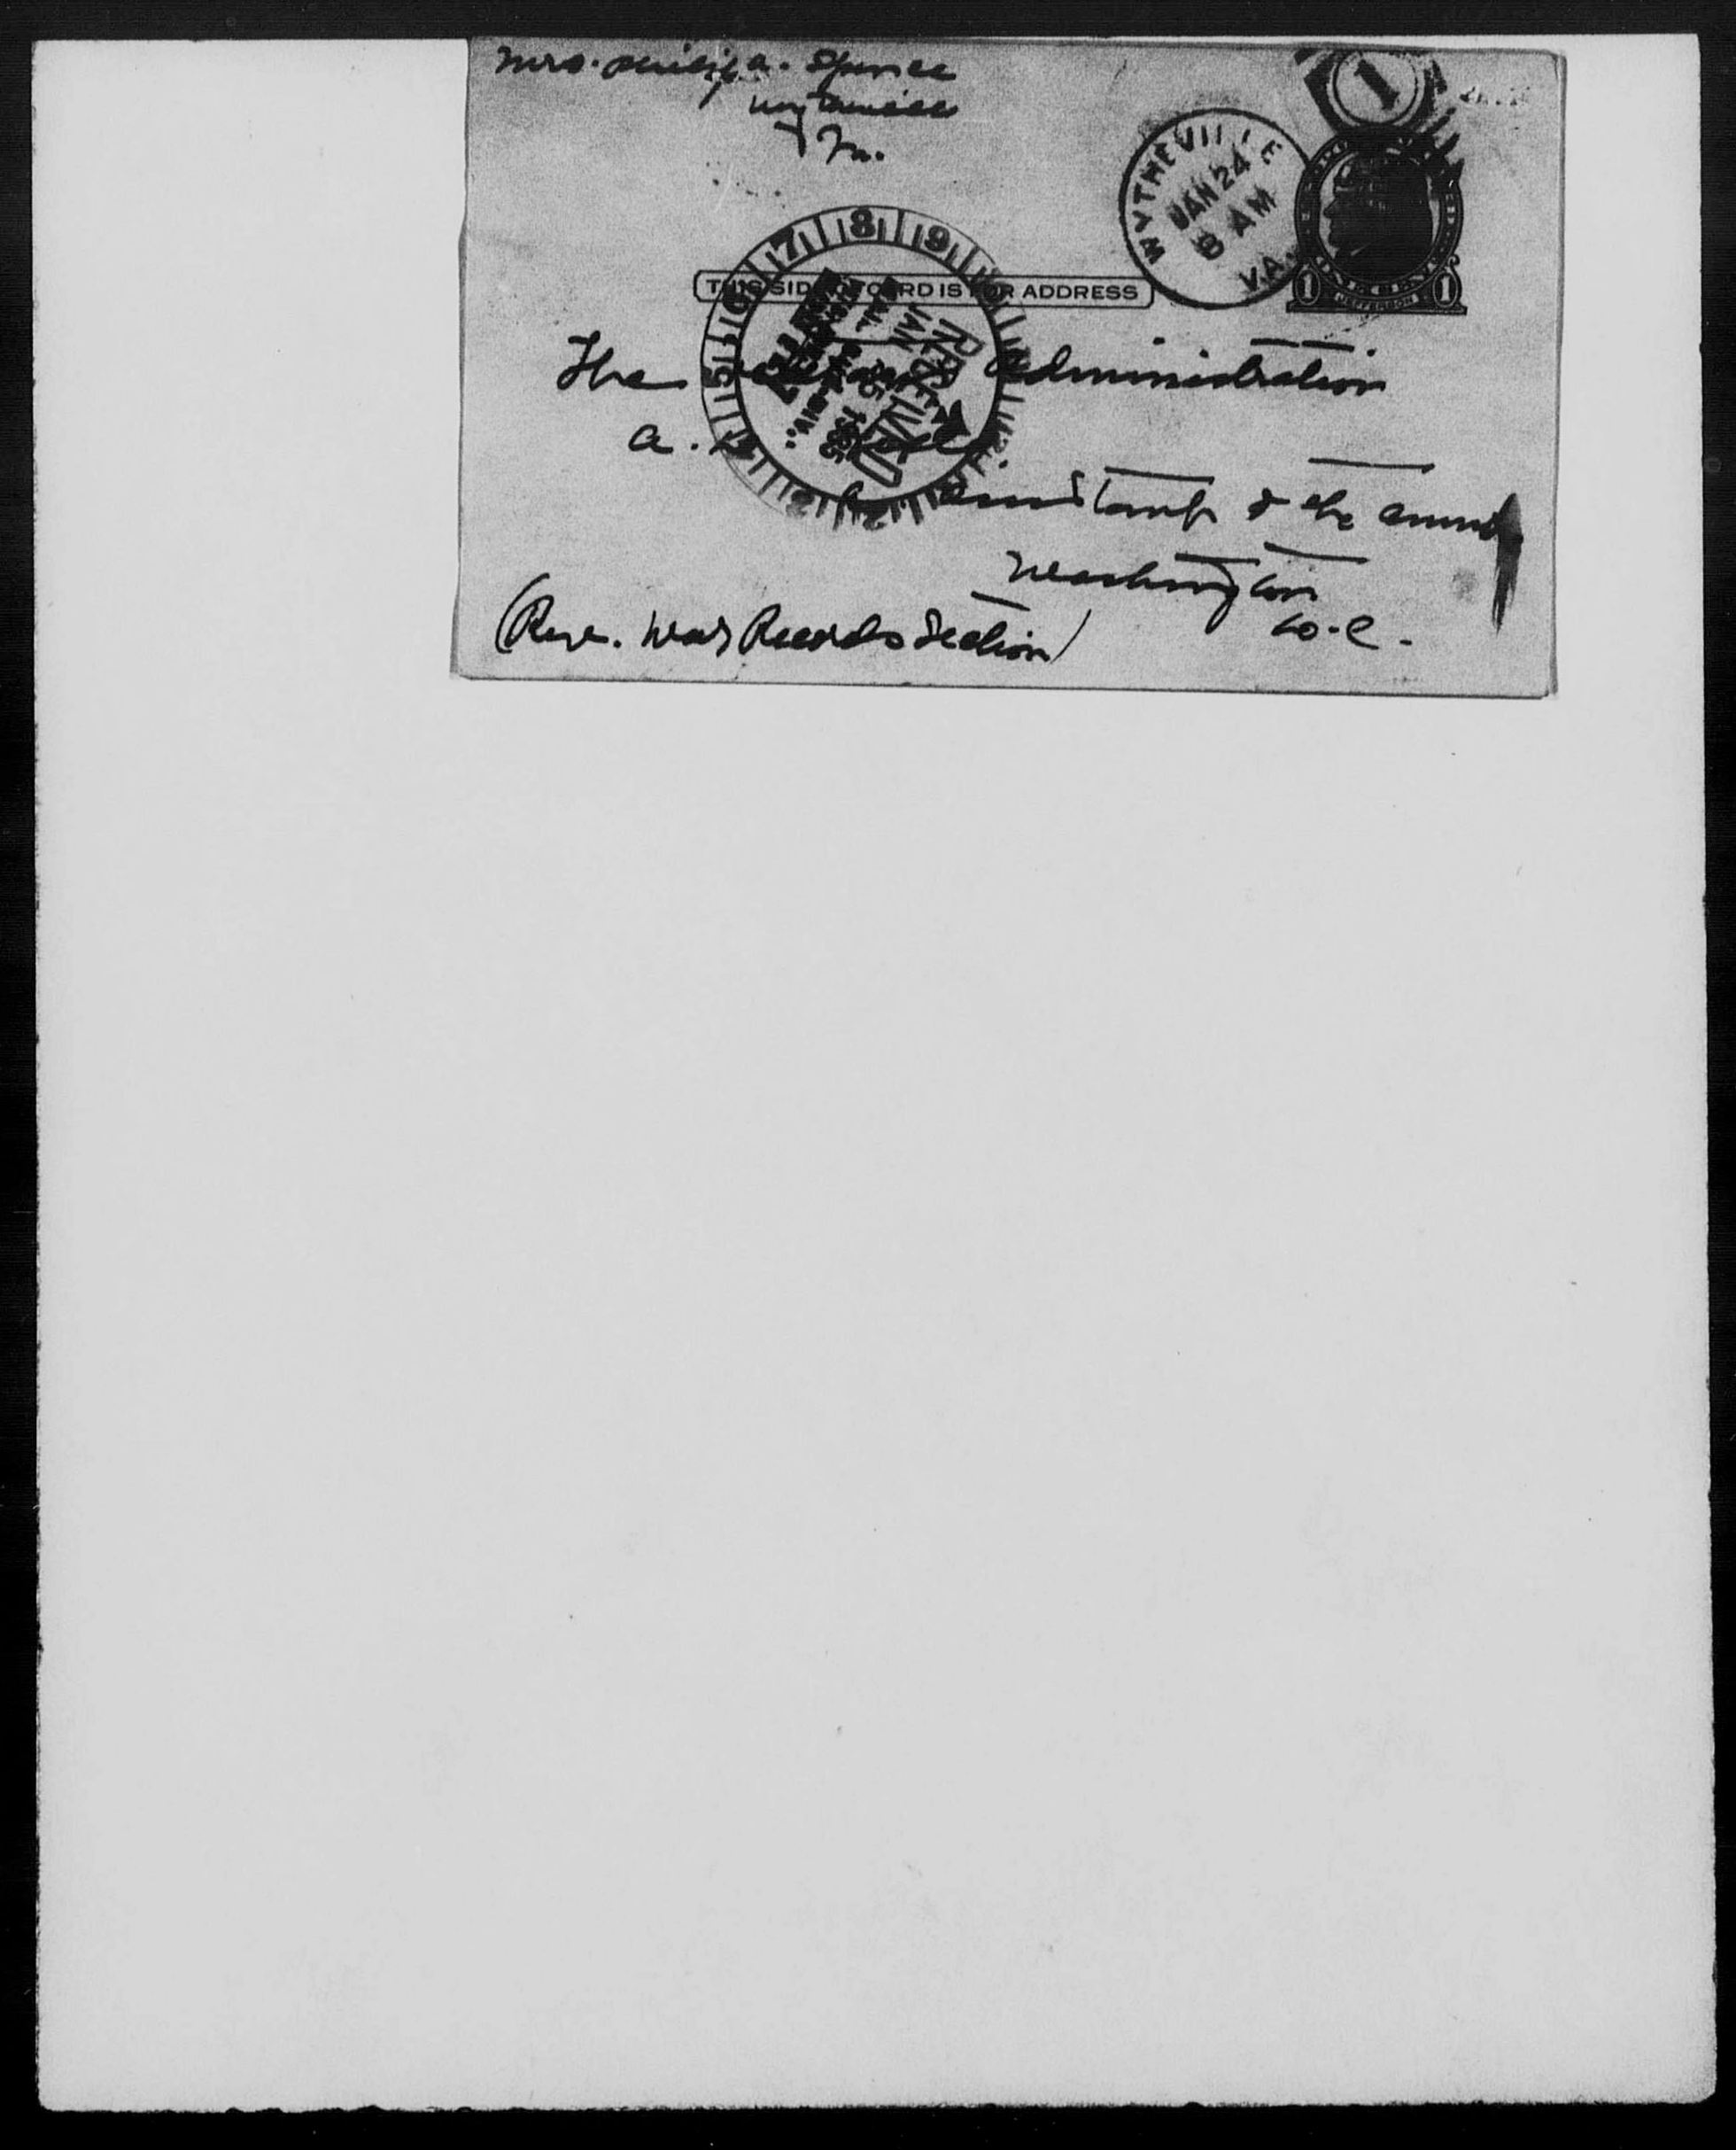Mrs. Philip A Spencer
[illegible] MO

The Pension Administrator
A.L. [illegible]
Assistant to the Admin.
Washington DC 

(Rev War Records Section)

Date Stamped: Wytheville, VA Jan 24 8 AM)
Received stamped: Jan 25, 1935
[illegible]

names: Philip A Spence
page: 12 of 33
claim: rejected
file: R. 155, David Allison, N.C.